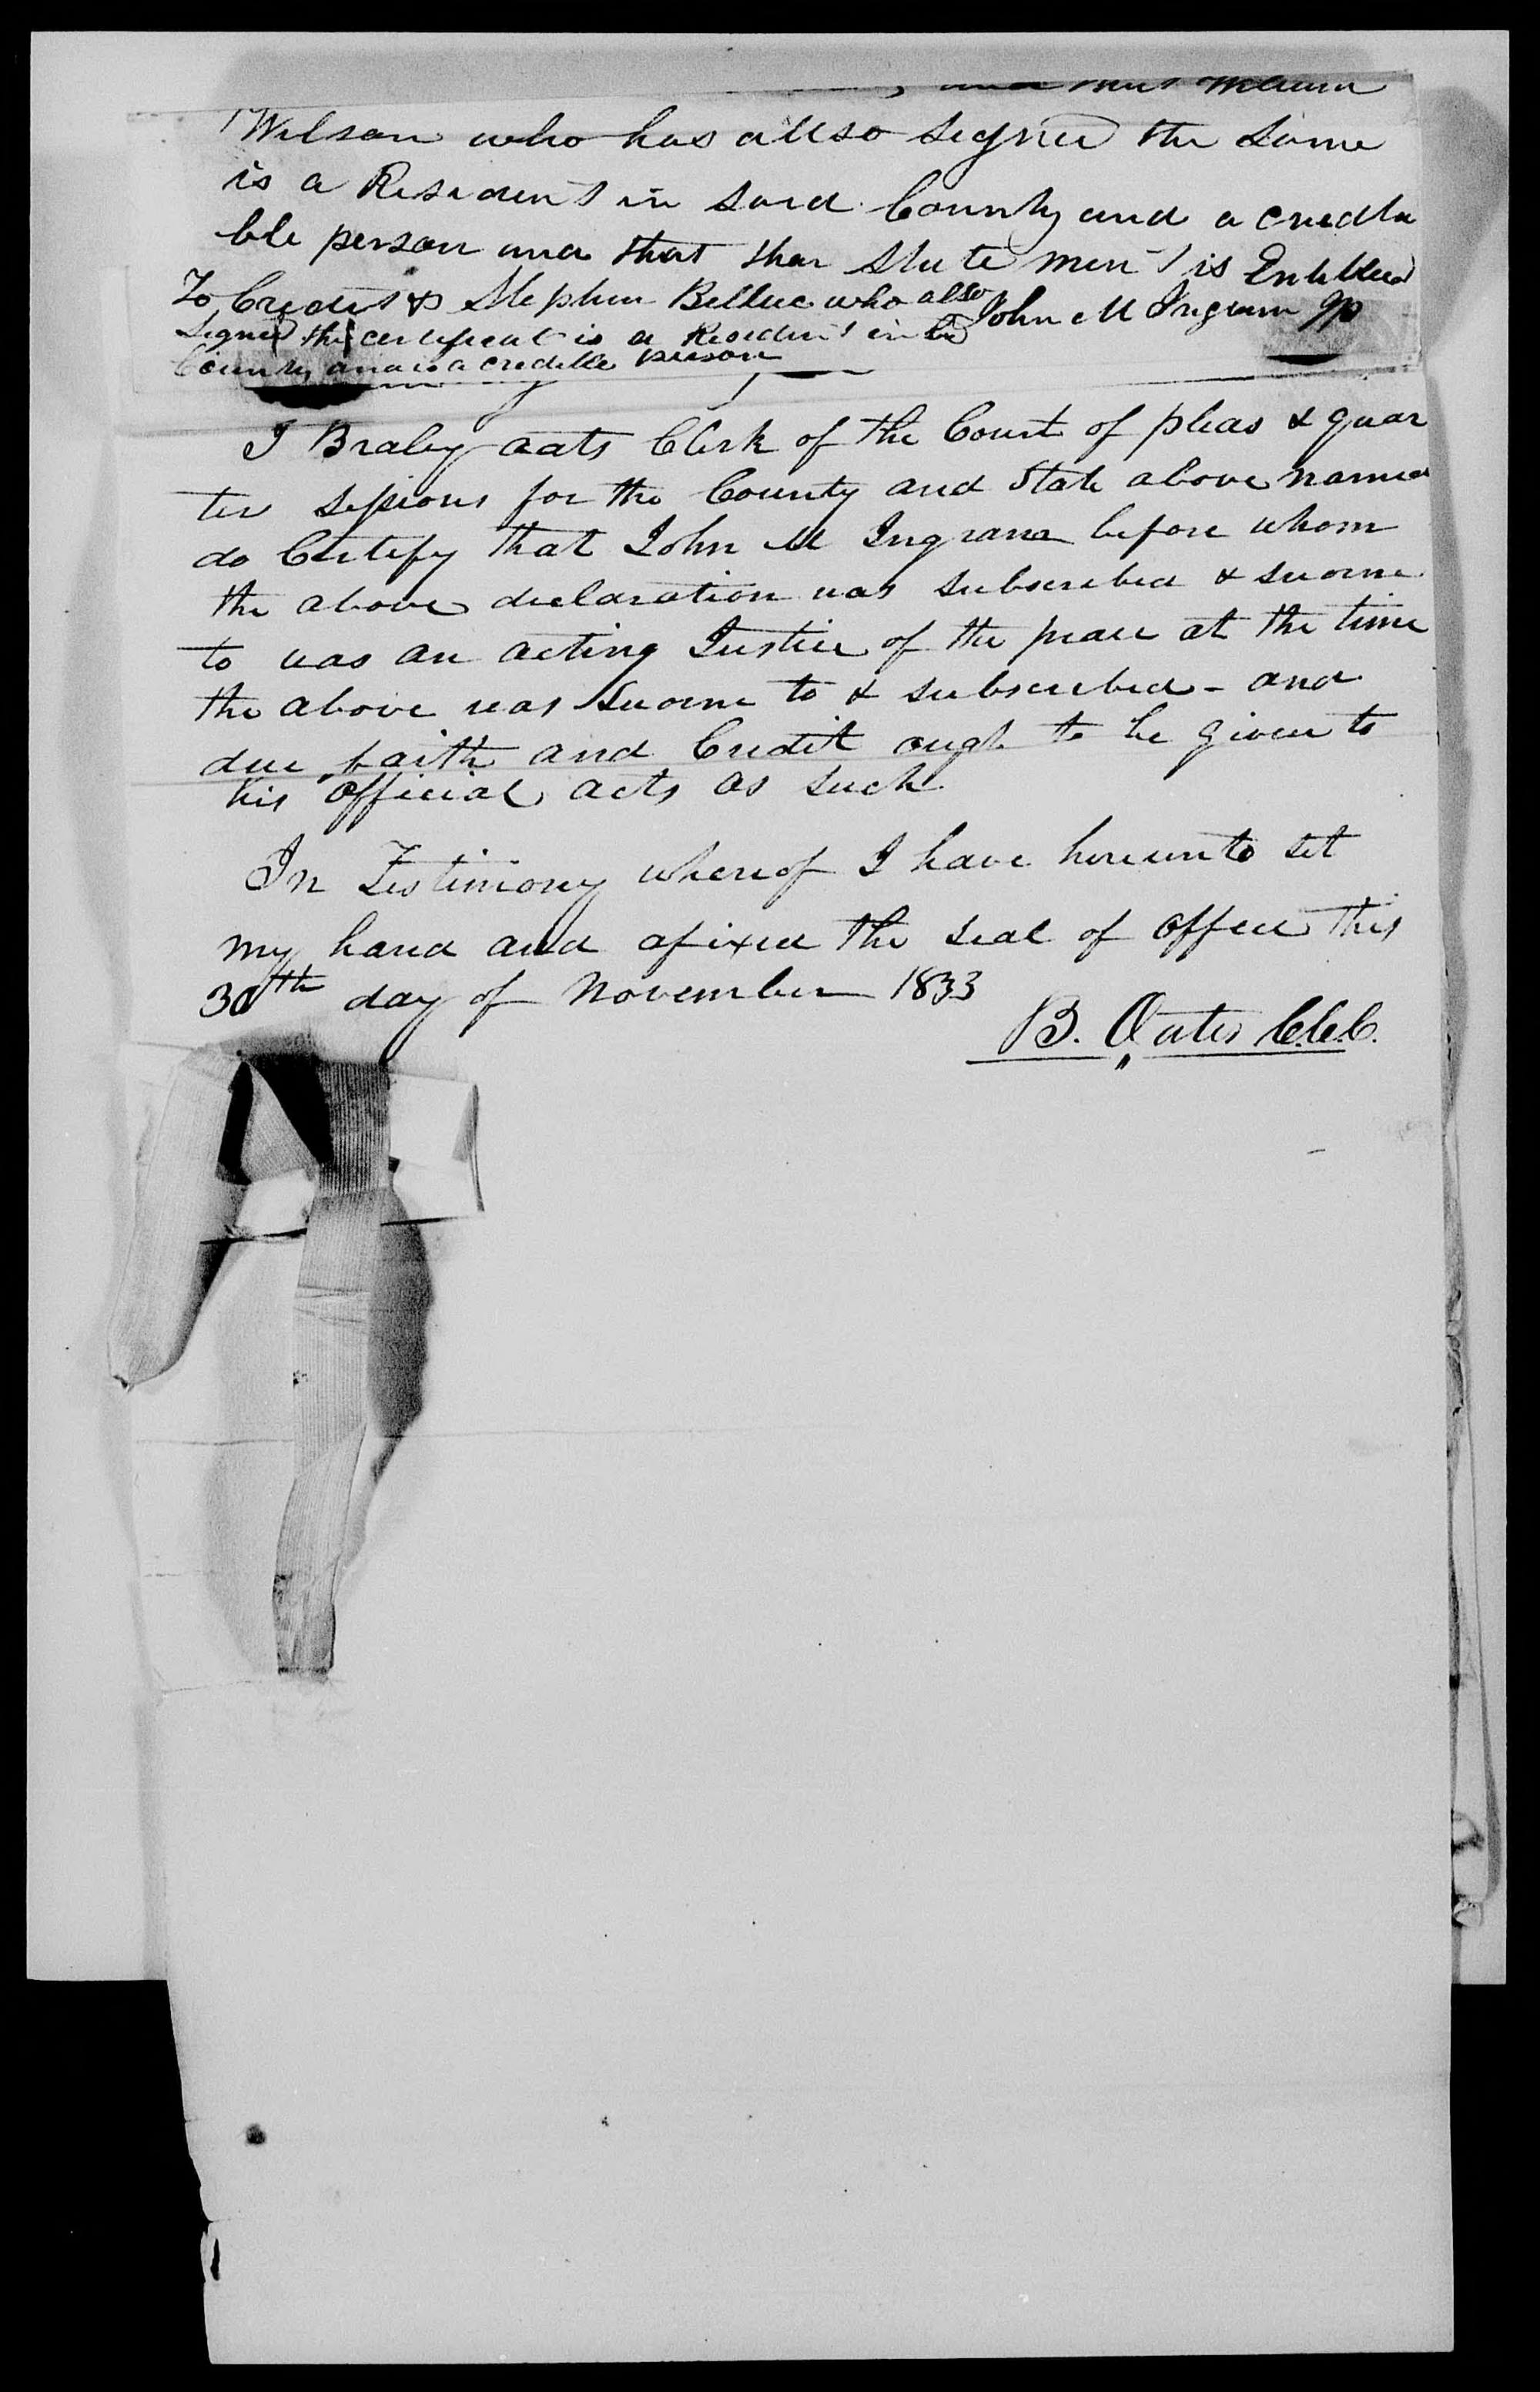Wilson who has also signed the same is a resident in said County and a credible person and that his statement is entitled to credit & Stephen Bellue who also signed the certificate is a  resident in County and is a credible person  John M Ingram ( signed ) JP  I Braby Oates Clerk of the Court of Pleas & Quarter Sessions for the County and State above named do certify that John M Ingram before whom the above declaration  was subscribed & sworn to was an acting Justice of the peace at the time above , was sworn to & subscribed - and due faith and credit ought to be given to his official acts as such.  In testimony whereof I have hereunto set my hand and affixed the seal of office this 30th day of November 1833. B Oates ( signed / sealed )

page: 11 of 35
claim: survivor's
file: S. 9,011, for George Mc Whorter, North Carolina